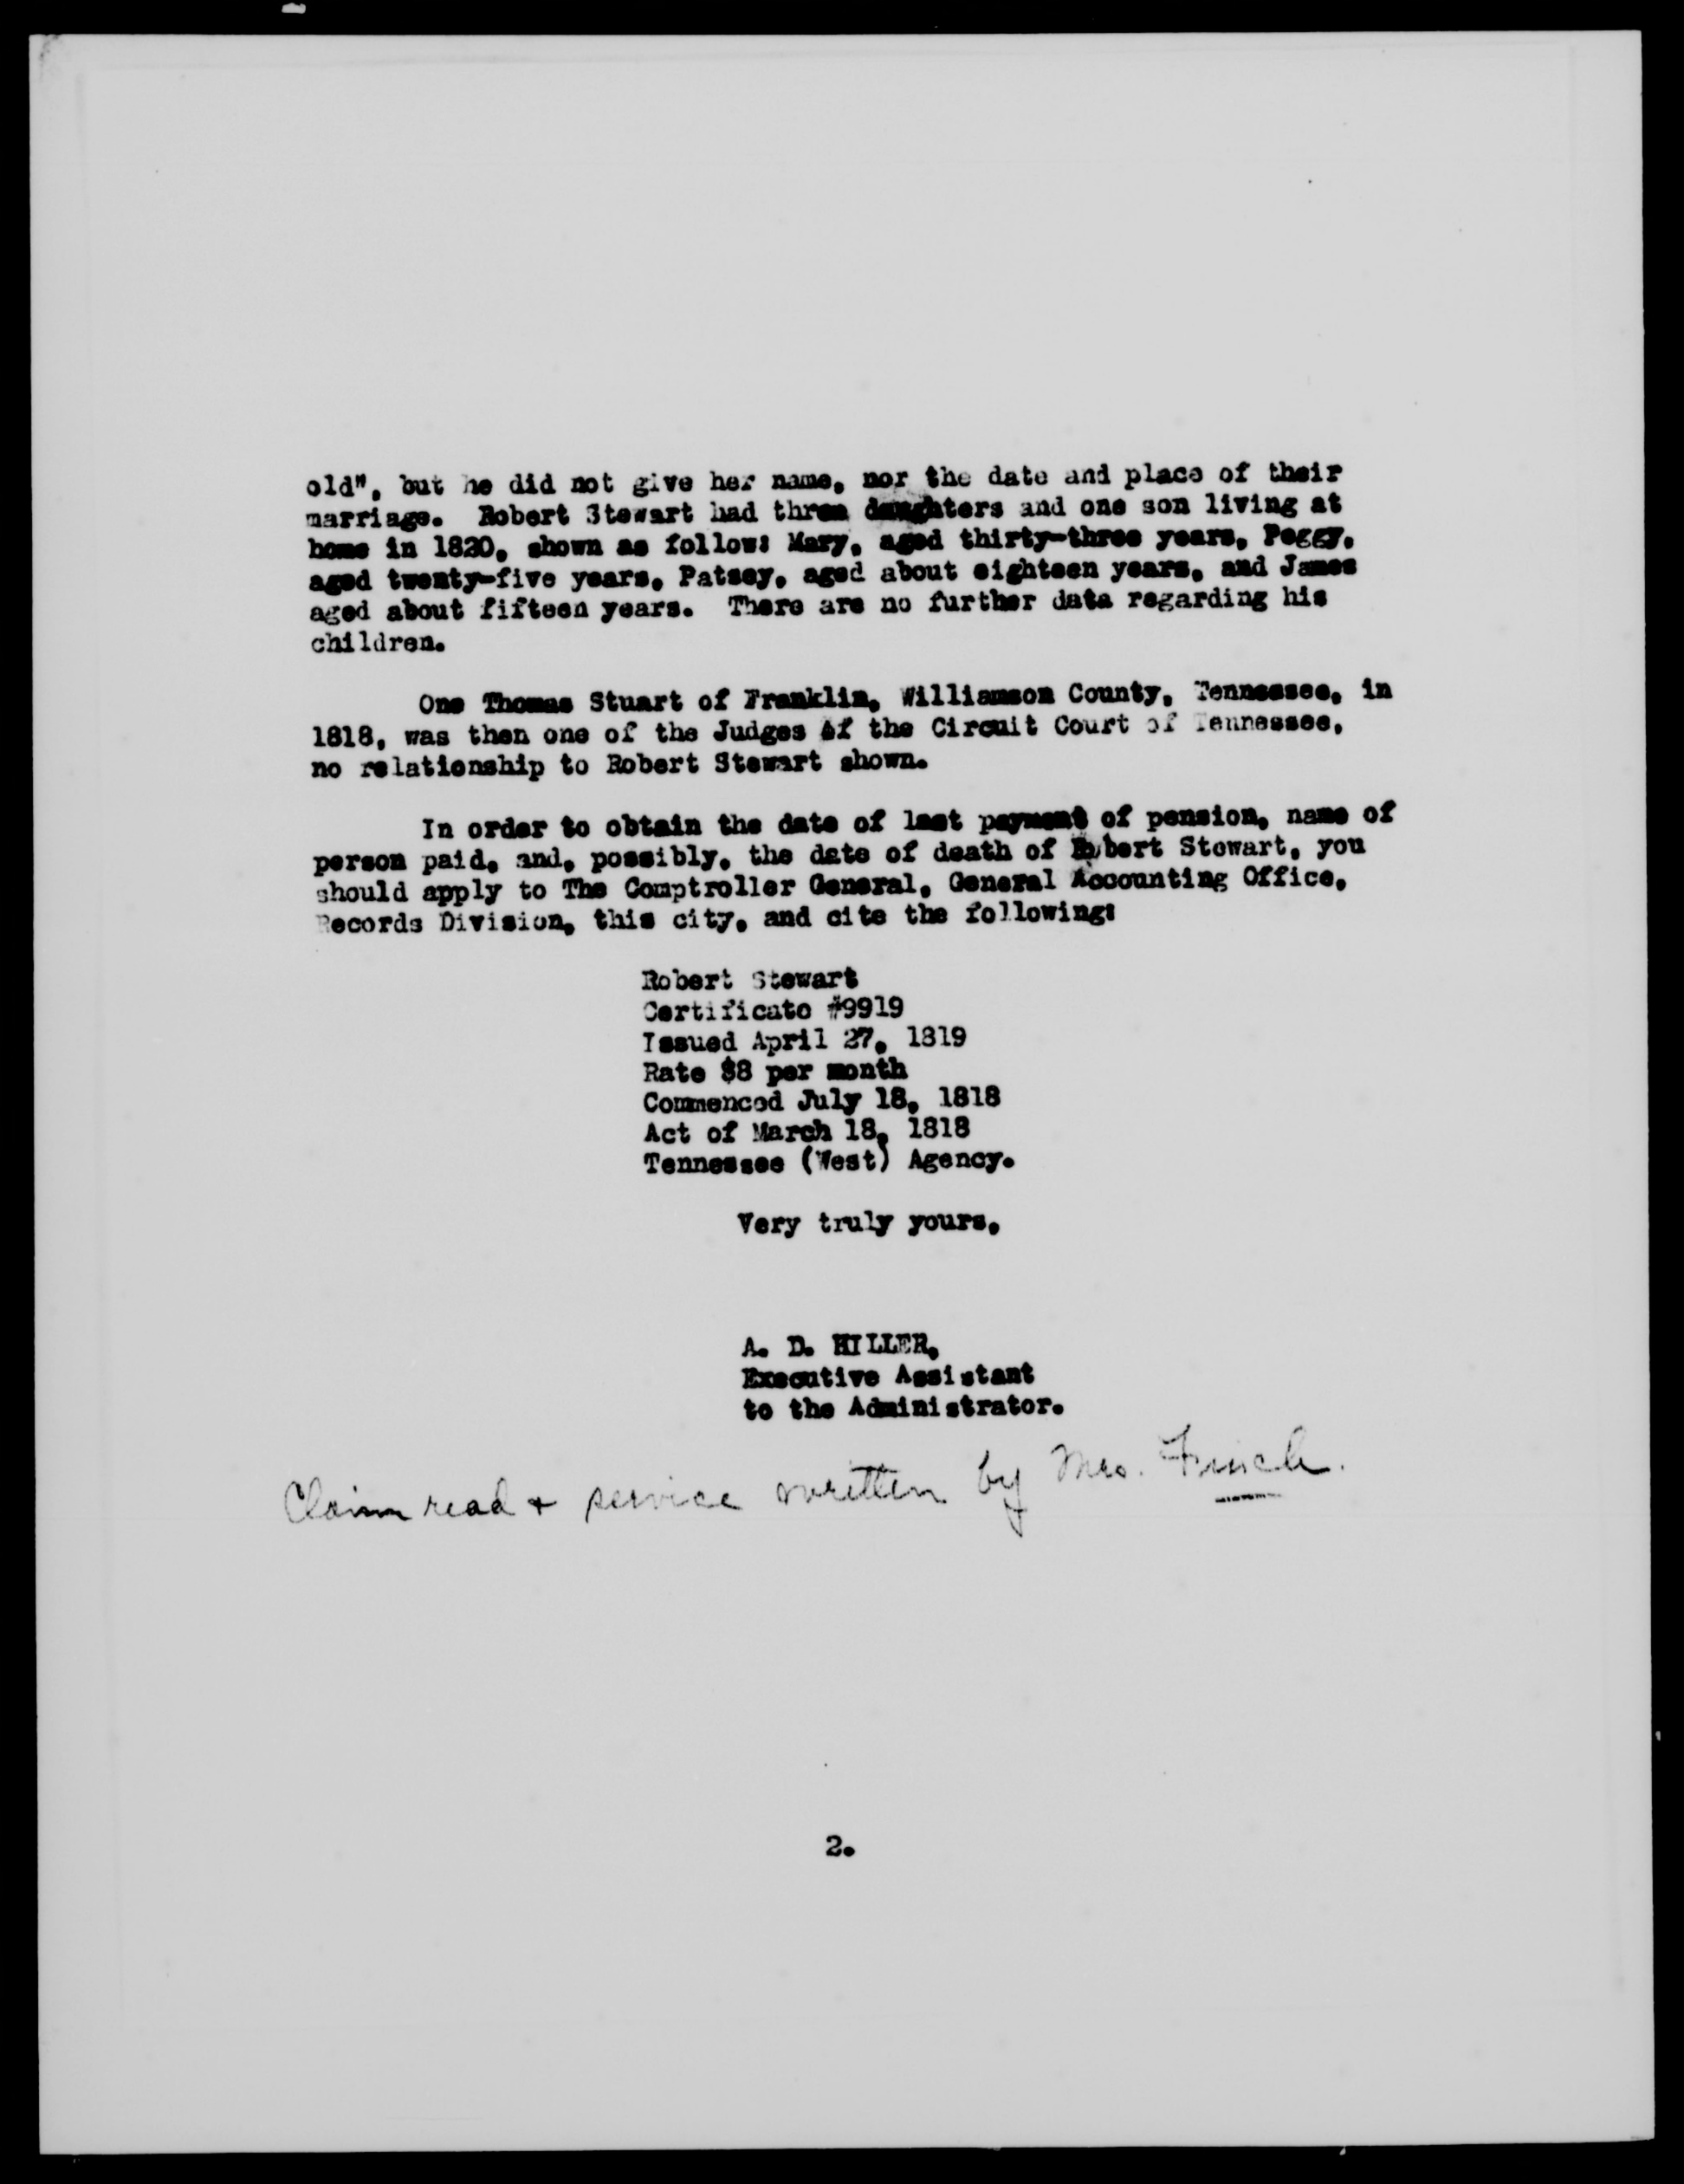old" but he did not give her name, nor the date and place of their marriage. Robert Stewart had three daughters and one son living at home in 1820, shown as follows: Mary aged thirty-three years, Peggy aged twenty-five years, Patsey, aged about eighteen years and James aged about fifteen years. There are no further data regarding his children.

One Thomas Stuart of Franklin, Williamson County, Tennessee in 1818 was then one of the Judges of the Circuit Court of Tennessee no relationship to Robert Stewart shown.

In order to obtain the date of last payment of pension, name of person paid, and possibly, the date of death of Robert Stewart you should apply to the Comptroller General, General Accounting Office, Records Division, this city, and cite the following:

Robert Stewart
Certificate # 9919
Issued April 27, 1819
Rate $8 per month
Commenced July 18, 1818
Act of March 18, 1818
Tennessee (West) Agency

Very truly yours

A.D. Hiller
Executive Assistant
to the Administrator.

Claim read & service written by Mrs. Finch.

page: 11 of 15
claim: survivor's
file: S 39089, for Robert Stewart, Maryland